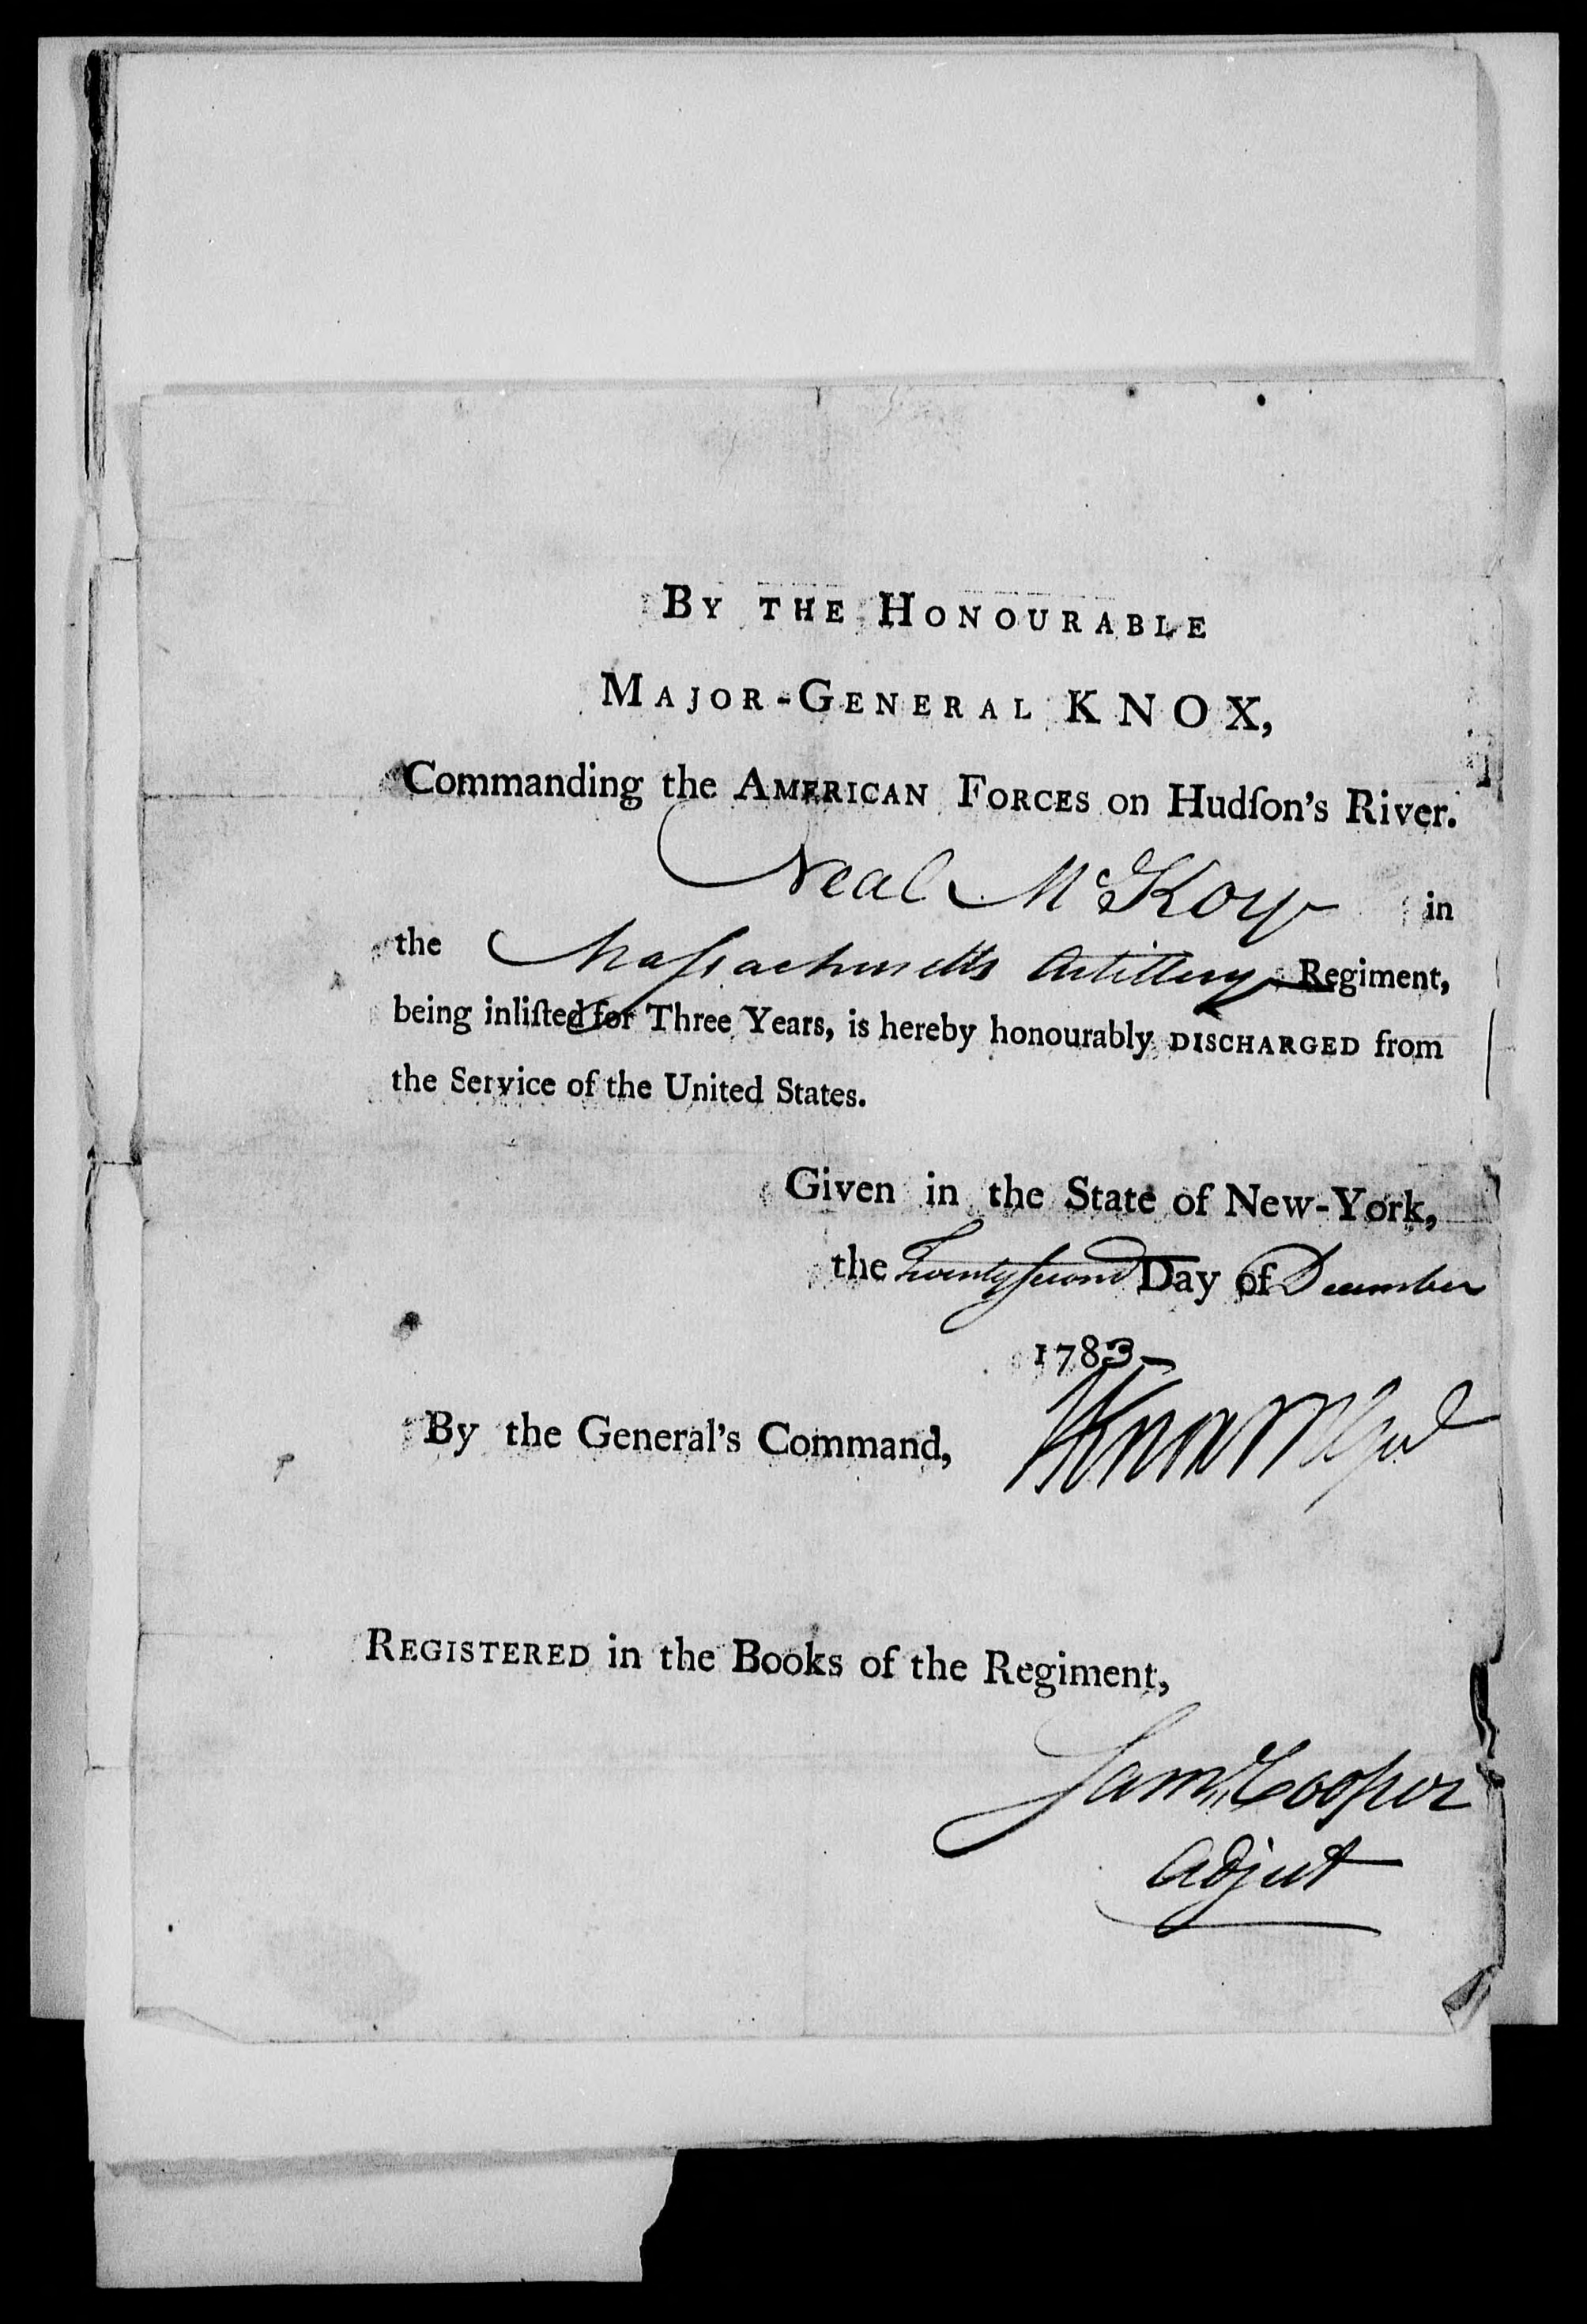By the Honourable Major - General Knox, Commanding the American Forces on Hudson's River. Neal McKoy in the Massachusetts Artillery Regiment, being inlisted for Three Years, is hereby honourably DISCHARGED from the Service of the United States.
Given in the State of New - York, the twenty second Day of December 1783
By the General's Command, Knox Gnl [?]
Registered in the books of the Regiment,
Sam Cooper Adjut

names: J Knam; Neal Mc Koy; Saml Cooper; [BLANK] Knox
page: 6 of 11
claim: survivor's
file: S. 42951, for Neil Mc Koy, Massachusetts